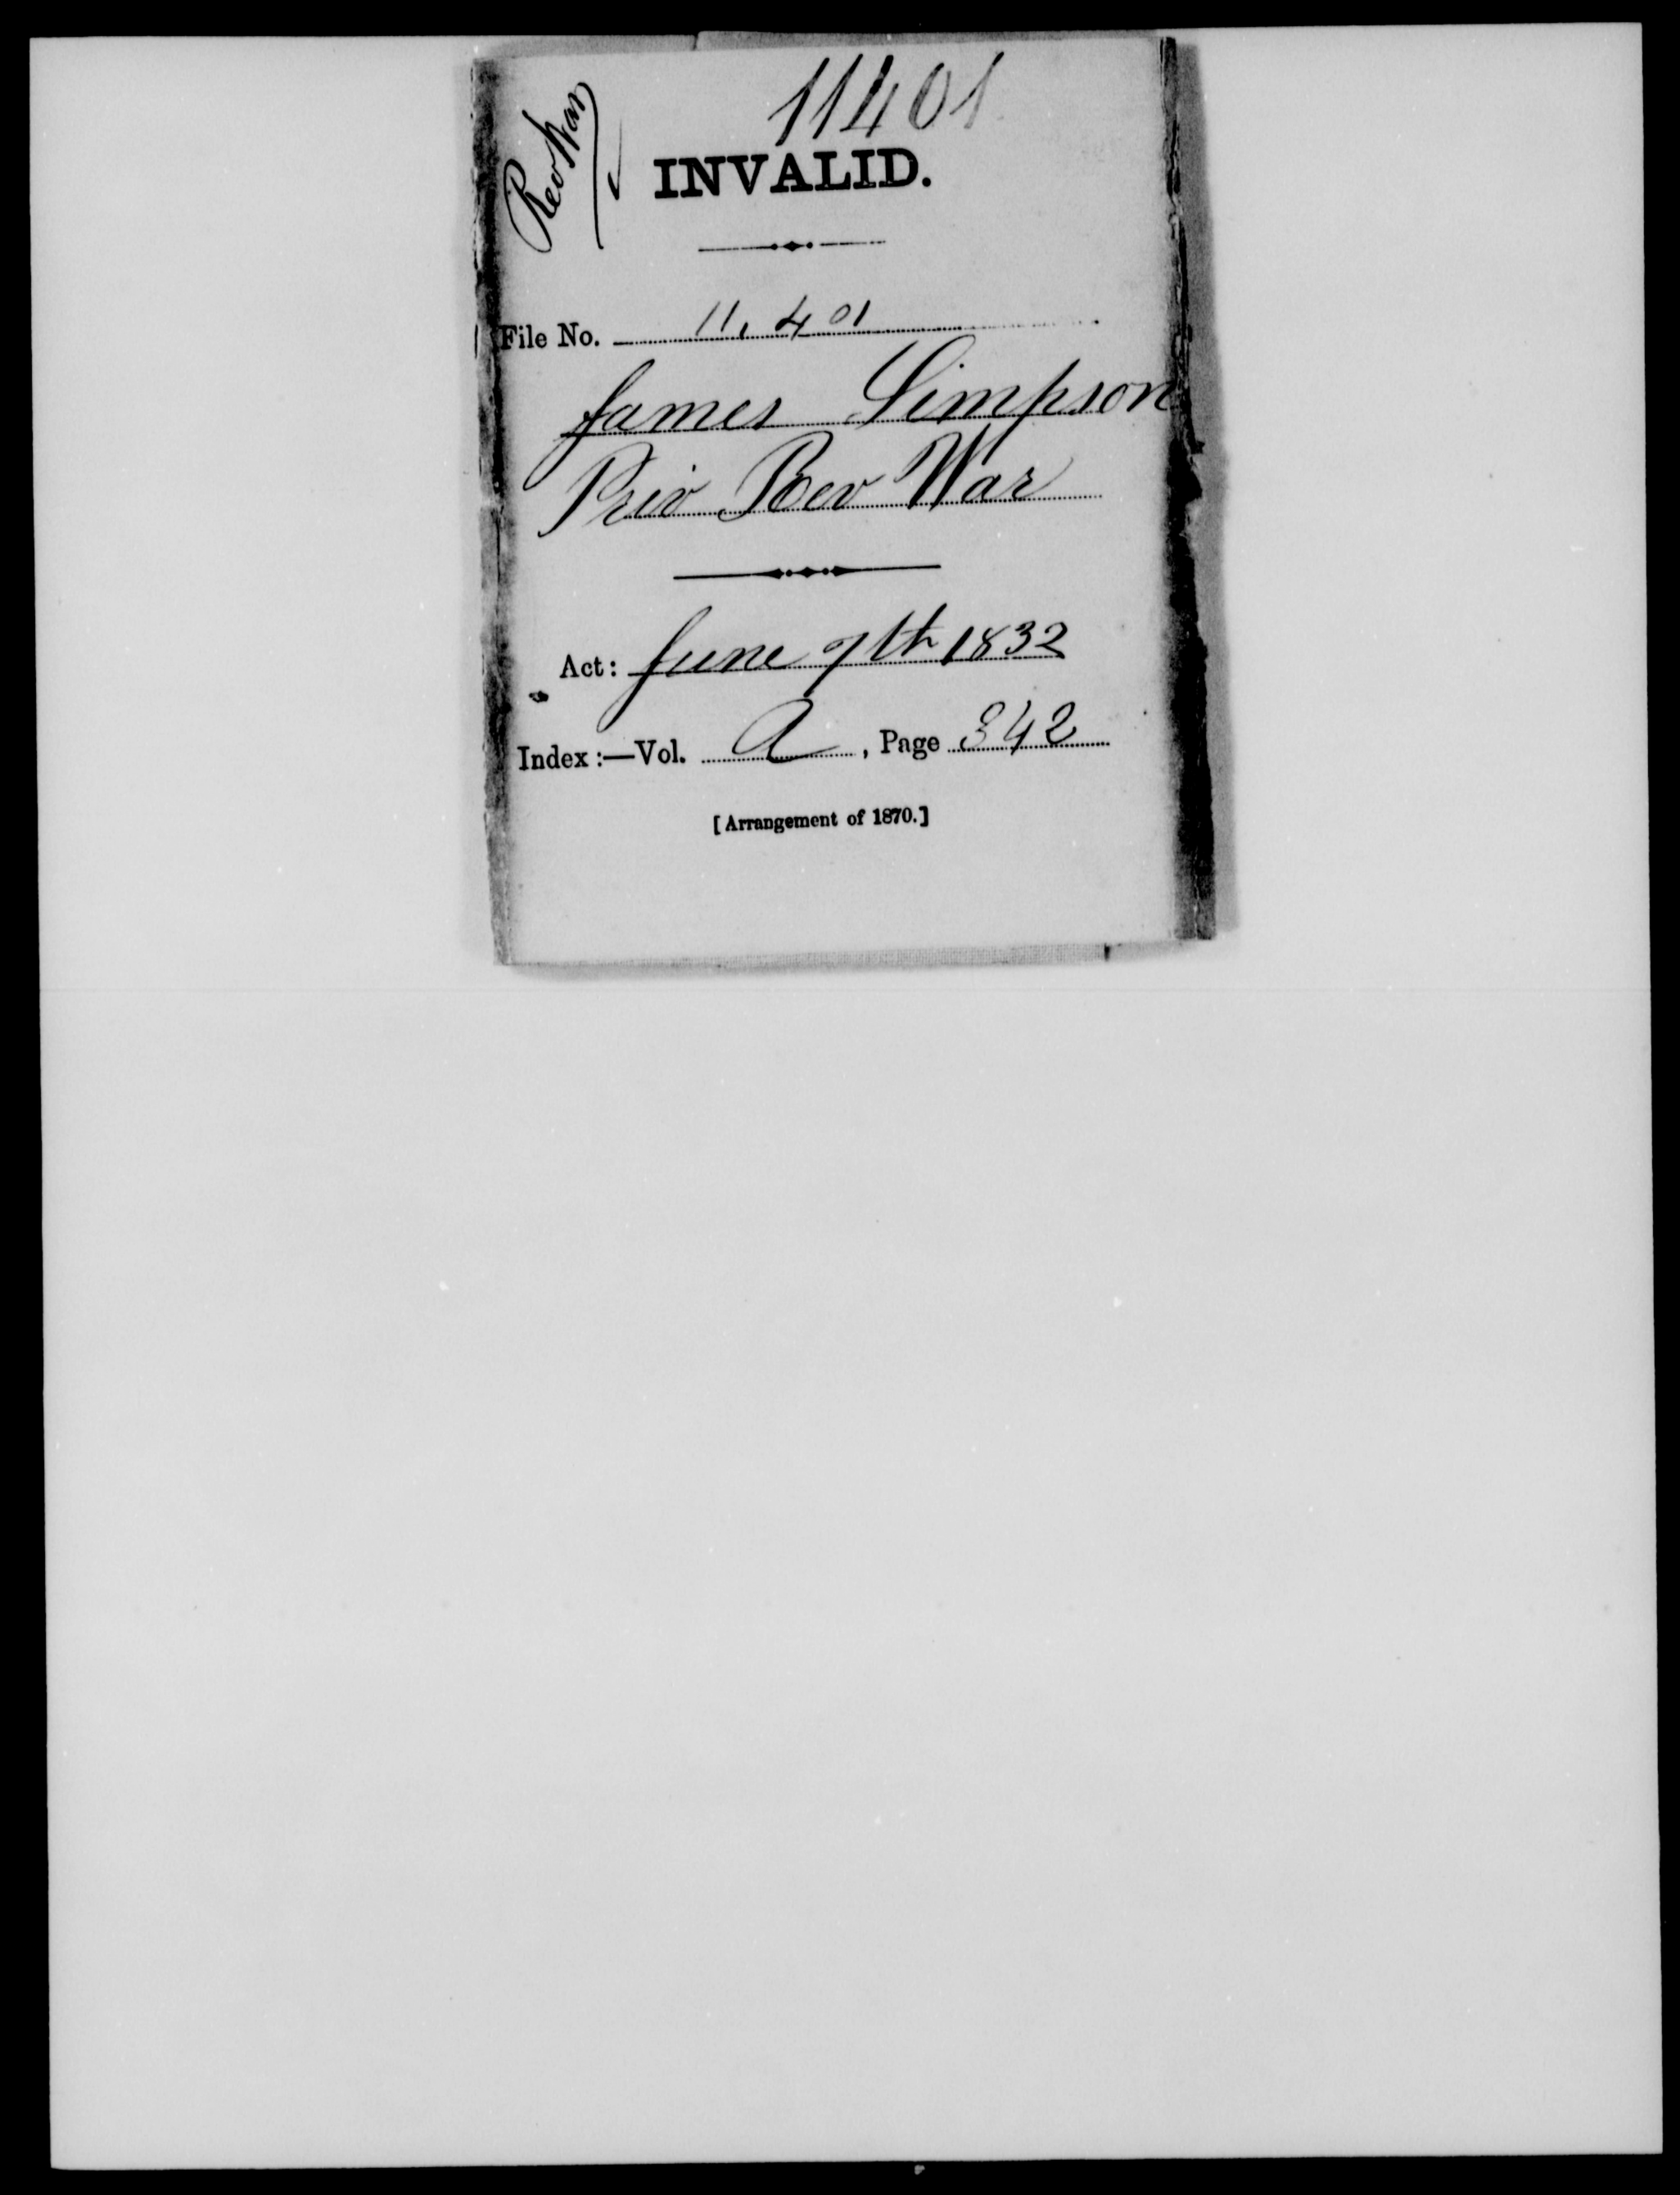Rev War
11401
INVALID.

File No. 11,401
James Simpson
Priv Rev War

Act: June 7th 1832

Index :-- Vol. A, Page 342

[Arrangement of 1870]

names: James Simpson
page: 10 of 17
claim: survivor's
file: S. 11401, for James Simpson, South Carolina